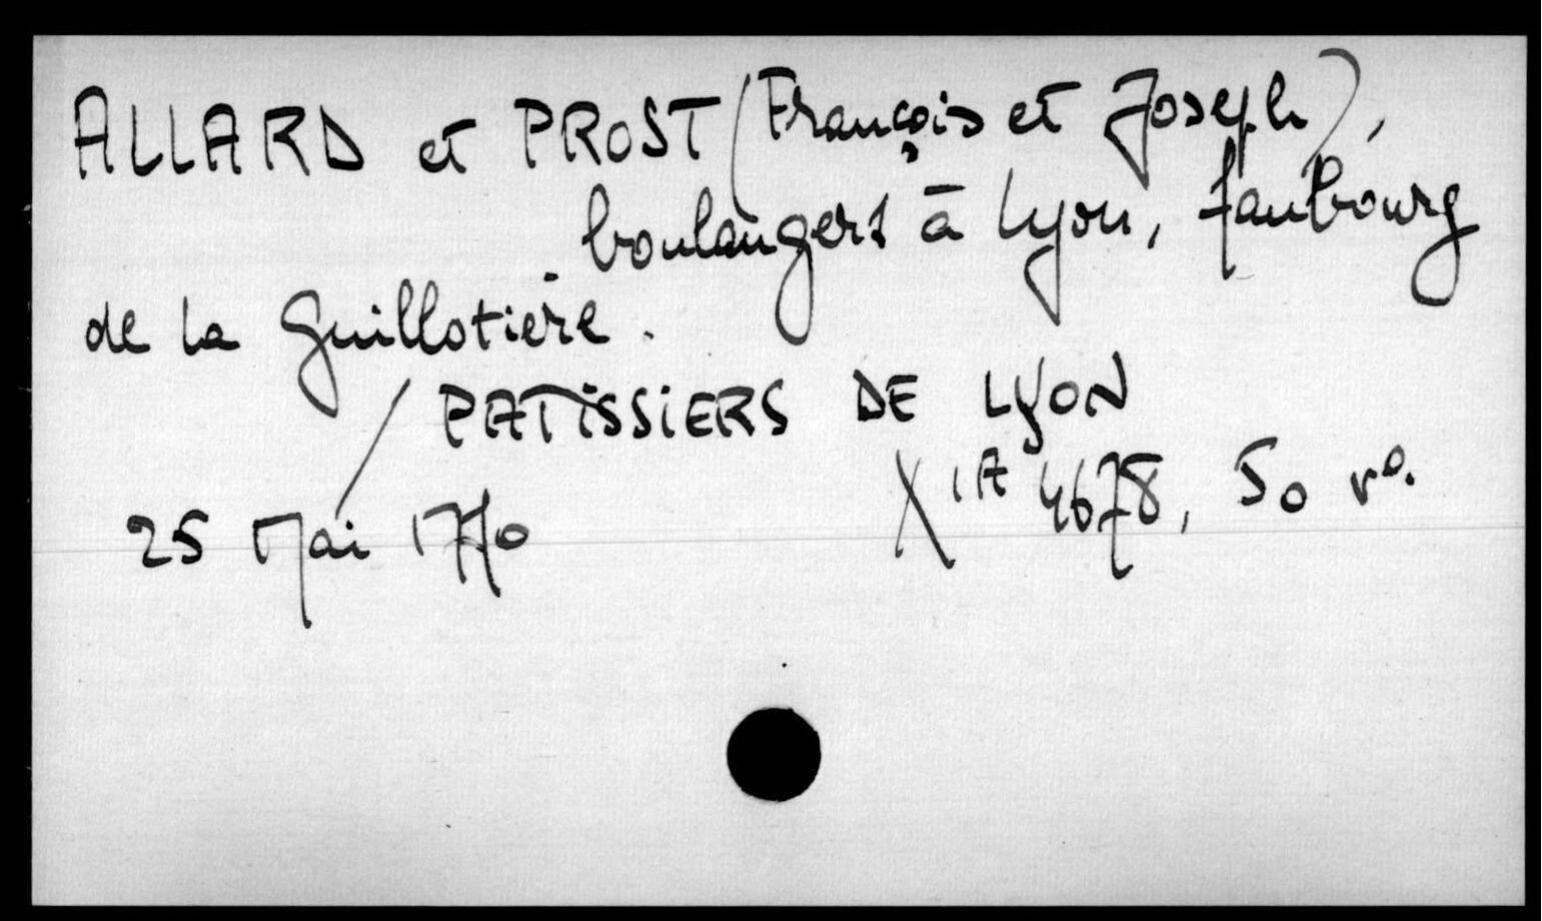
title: ALLARD et PROST (François et Joseph), boulangers à Lyon, faubourg de la Guillotière
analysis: Contre PÂTISSIERS DE LYON
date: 25 mai 1770
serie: X1A
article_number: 4678
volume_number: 50v
